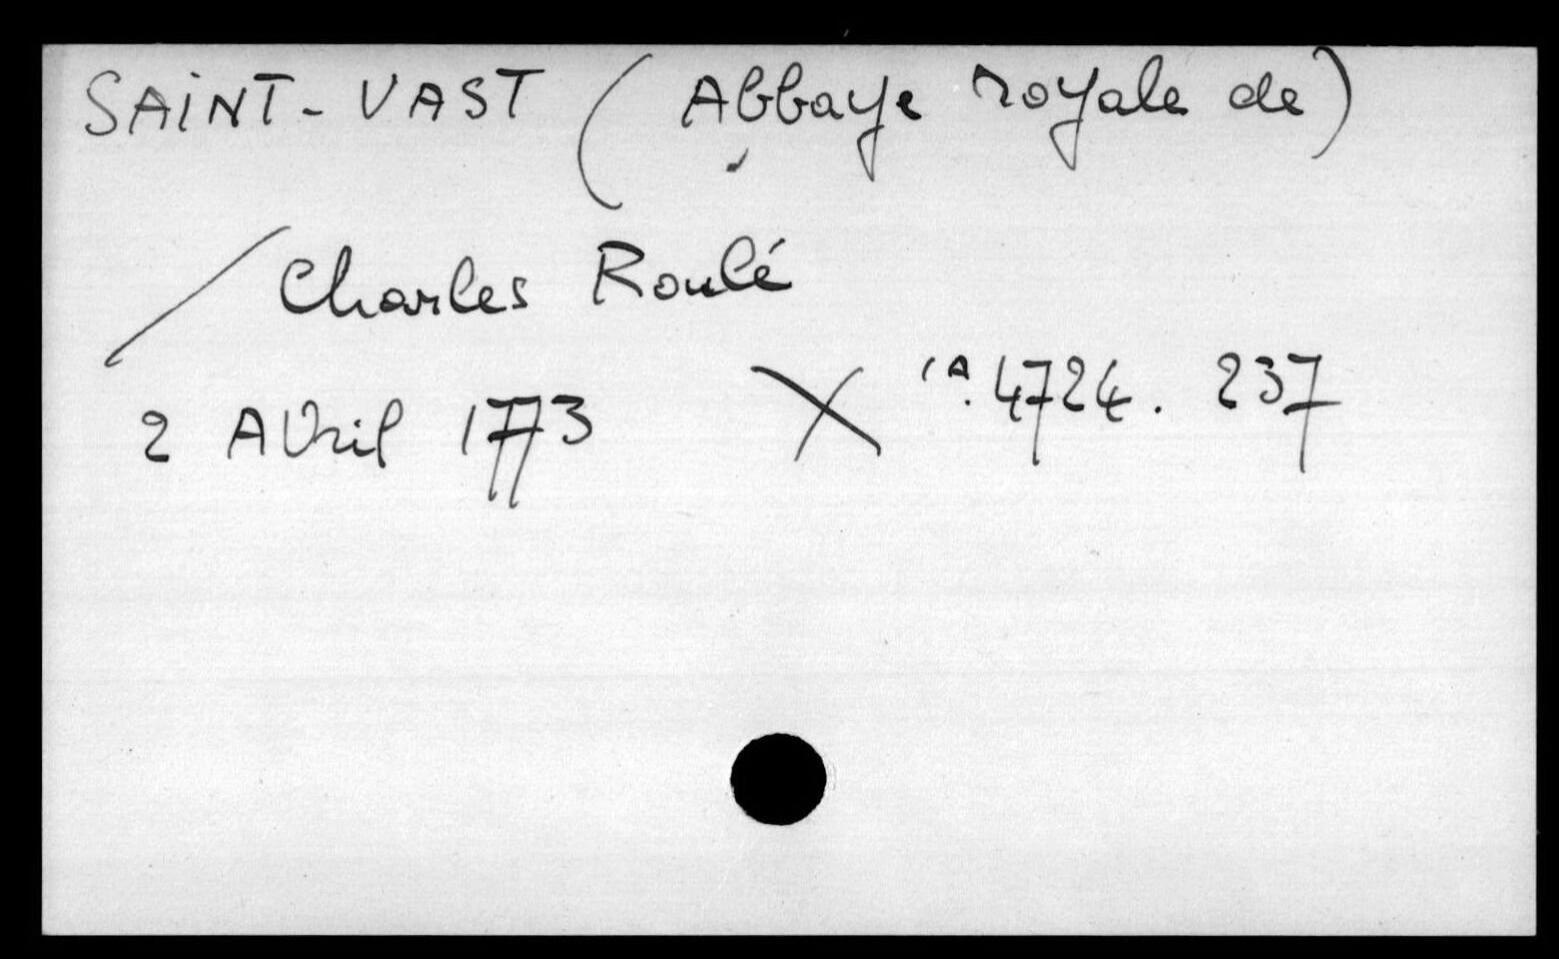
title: SAINT-VAST (Abbaye royale de)
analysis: Contre Charles Roulé
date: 2 avril 1773
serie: X1A
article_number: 4724
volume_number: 237
